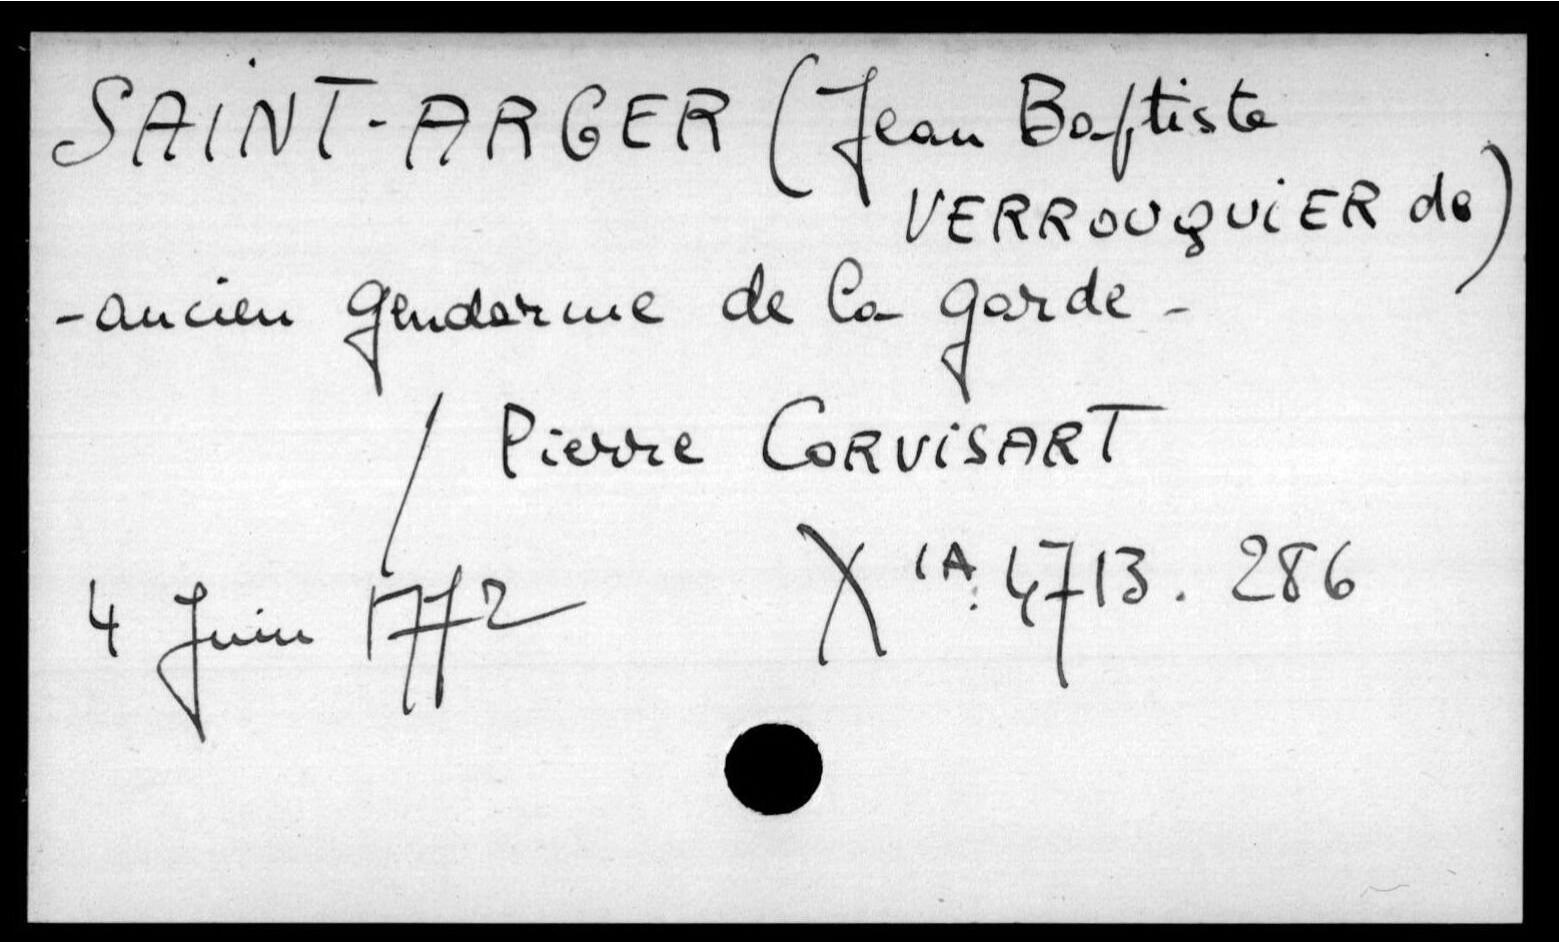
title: SAINT-ARGER (Jean Baptiste VERROUQUIER de) - ancien Gendarme de la garde
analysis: Contre Pierre Corvisart
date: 4 juin 1772
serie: X1A
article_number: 4713
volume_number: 286
